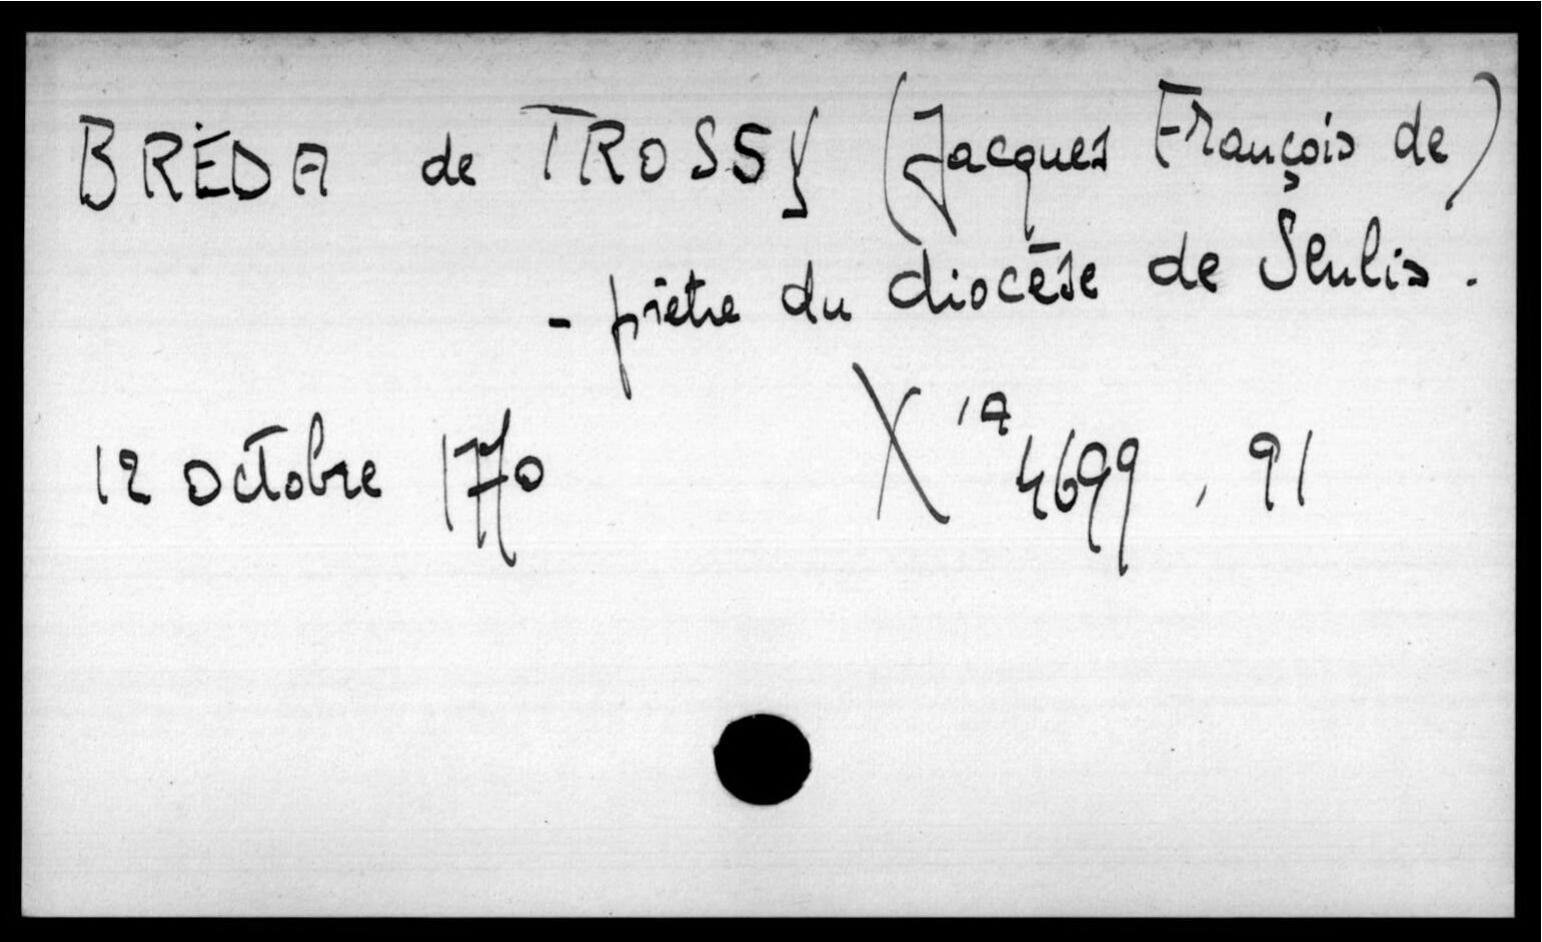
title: BREDA de TROSSY (Jacques François de) - prêtre du diocèse de Senlis.
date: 12 octobre 1770
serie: X1A
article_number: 4699
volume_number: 91
